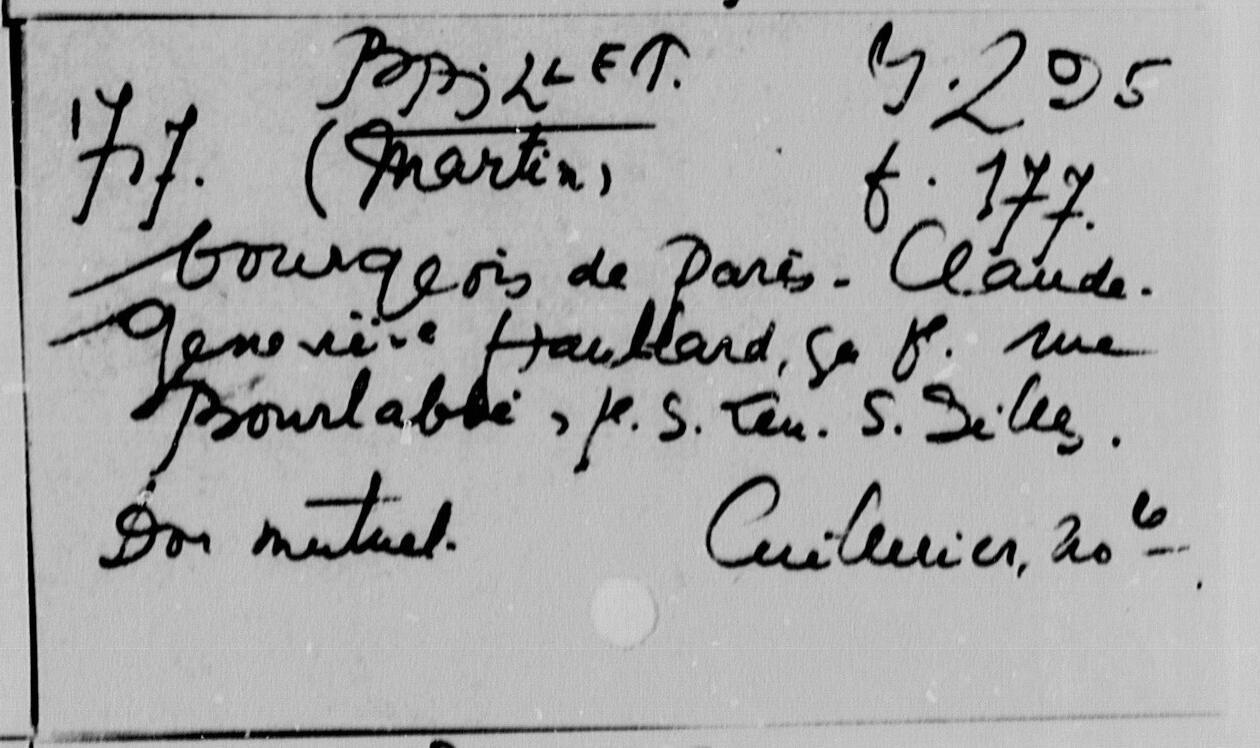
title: BAILLET (Martin)
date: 1717
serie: Y
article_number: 295
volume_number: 177
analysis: Bourgeois de Paris, Claude-Geneviève Haullard, sa femme, rue Bourlabbé, paroisse Saint-Leu-Saint-Gilles Don mutuel Cuillerier, notaire
